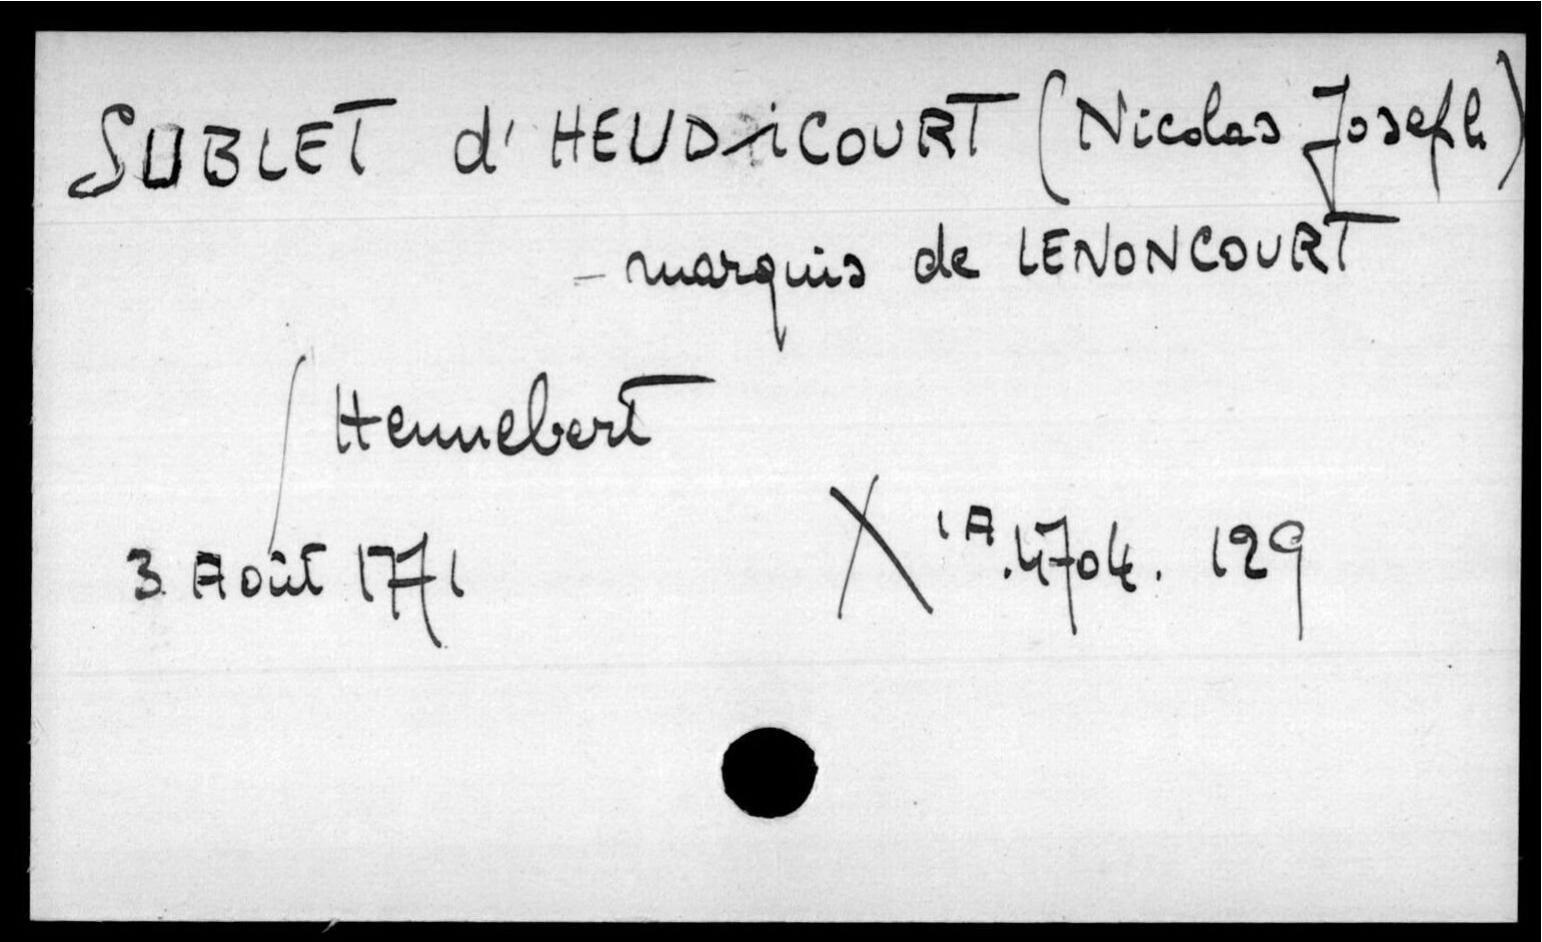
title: SUBLET d'HEUDICOURT (Nicolas Joseph) - marquis de LENONCOURT
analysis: Contre Hennebert
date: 3 août 1771
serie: X1A
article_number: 4704
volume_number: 129
